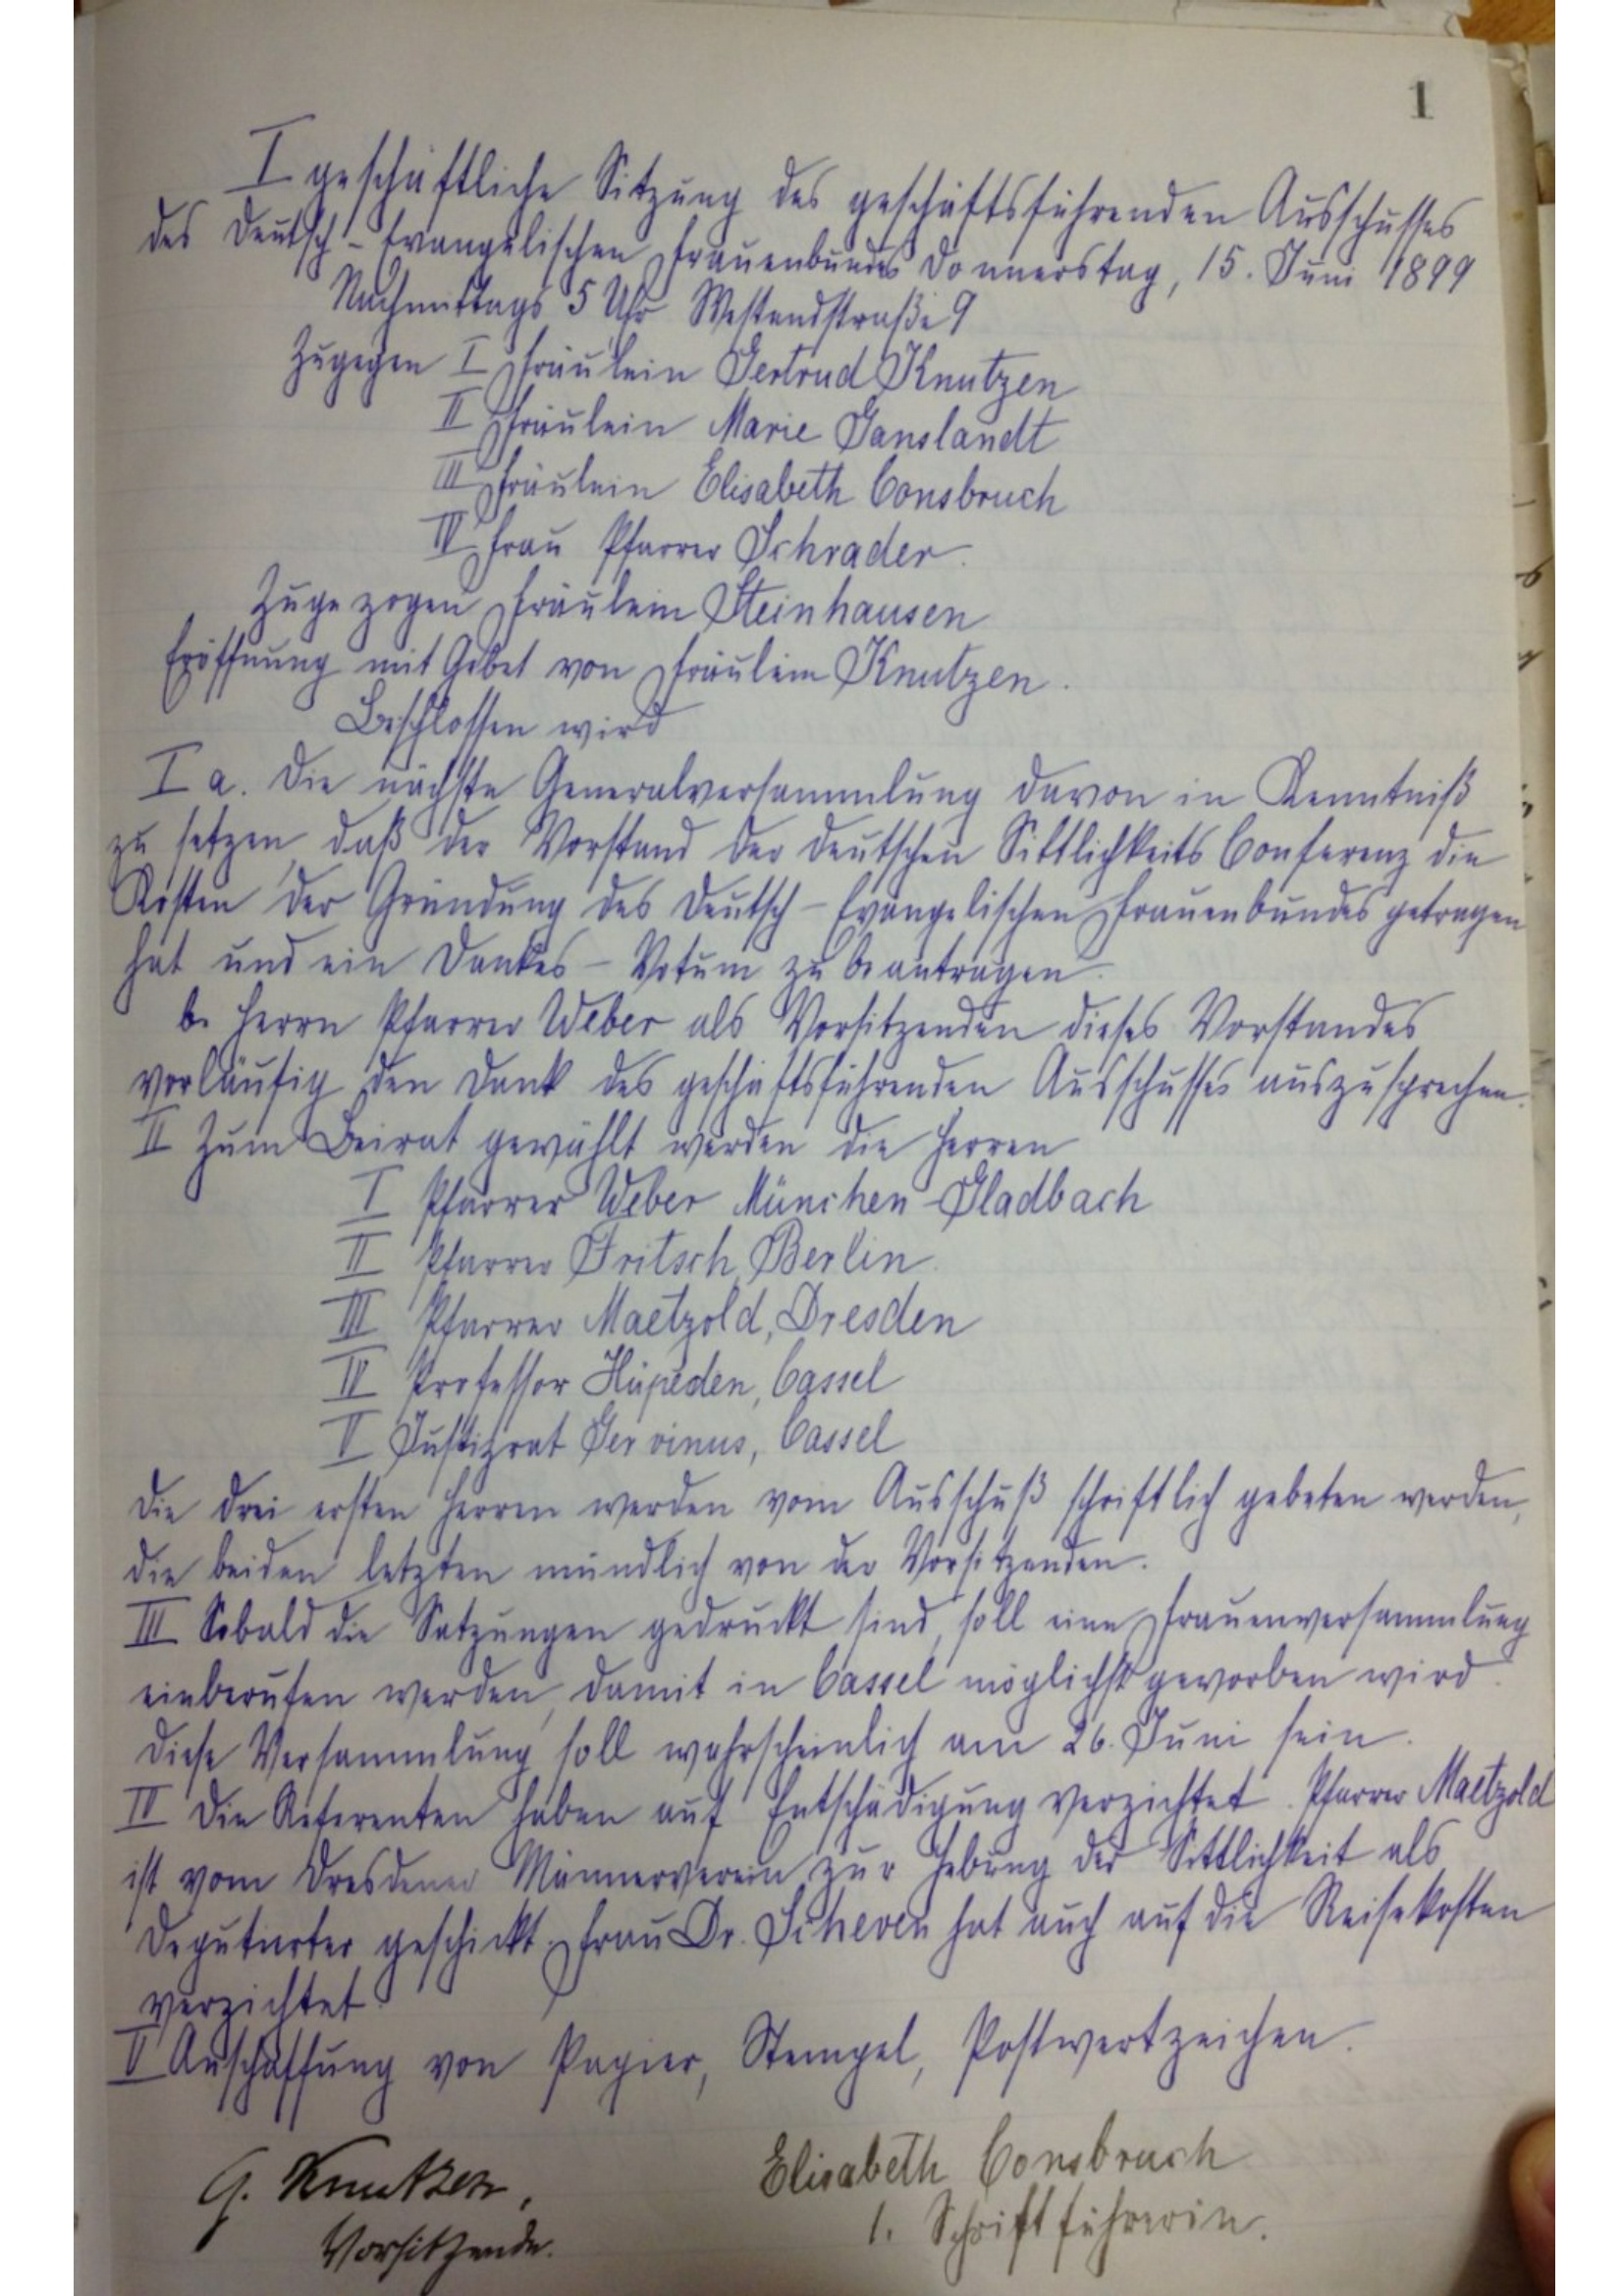I. geschäftliche Sitzung des geschäftsführenden Ausschusses
des
Deutsch-evangelischen Frauenbund Donnerstag, 15. Juni 1899
Nachmittags 5 Uhr Westendstraße 9
Zugegen: I. Fäulein Gertrud Knutzen
II. Fräulein Marie Ganslandt
III. Fräulein Elisabeth Consbruck
IV Frau Pfarrer Schrader
Zugezogen Fräulein Steinhausen
Eröffnung mit Gebet von Fräulein Knutzen
Beschlossen wird
Ia. Die nächste Generalversammlung davon in Kenntnis
zu setzten, daß der Vorstand der deutschen Sittlichkeits Conferenz die
Kosten der Gründung des Deutsch-Evangelischen Frauenbundes getragen
hat und ein Dankes-Votum zu beantragen.
b. Herrn Pfarrer Weber als Vorsitzenden dieses Vorstandes
vorläufig den Dank des geschäftsführenden Ausschusses auszusprechen.
II. Zum Beirat gewählt werden die Herren
I. Pfarrer Weber, München-Gladbach
II. Pfarrer Fritsch, Berlin
III. Pfarrer Mätzold, Dresden
IV. Professor Hupeden, Cassel
V. Jusitzrat Servius, Cassel
Die drei ersten Herren werden vom Ausschuß schriftlich gebeten werden,
die beiden letzten mündlich von der Vorsitzenden.
III. Sobald die Satzungen gedruckt sind, soll eine Frauenversammlung
einberufen werden, damit in Cassel möglichst geworben wird.
Diese Versammlung soll wahrscheinlich am 26. Juni sein.
IV. Die Referenten haben auf Entschädigung verzichtet. Pfarrer Mätzold
ist vom dresdener Männerverein zur Hebung der Sittlichkeit als
Deputierter geschickt. Frau Dr. Siheven hat auch auf die Reisekosten
verzichtet.
V. Anschaffung von Papier, Stempel, Postwertzeichen
Elisabeth Consbruck
G. Knutzen
I. Schriftführerin
Vorsitzende